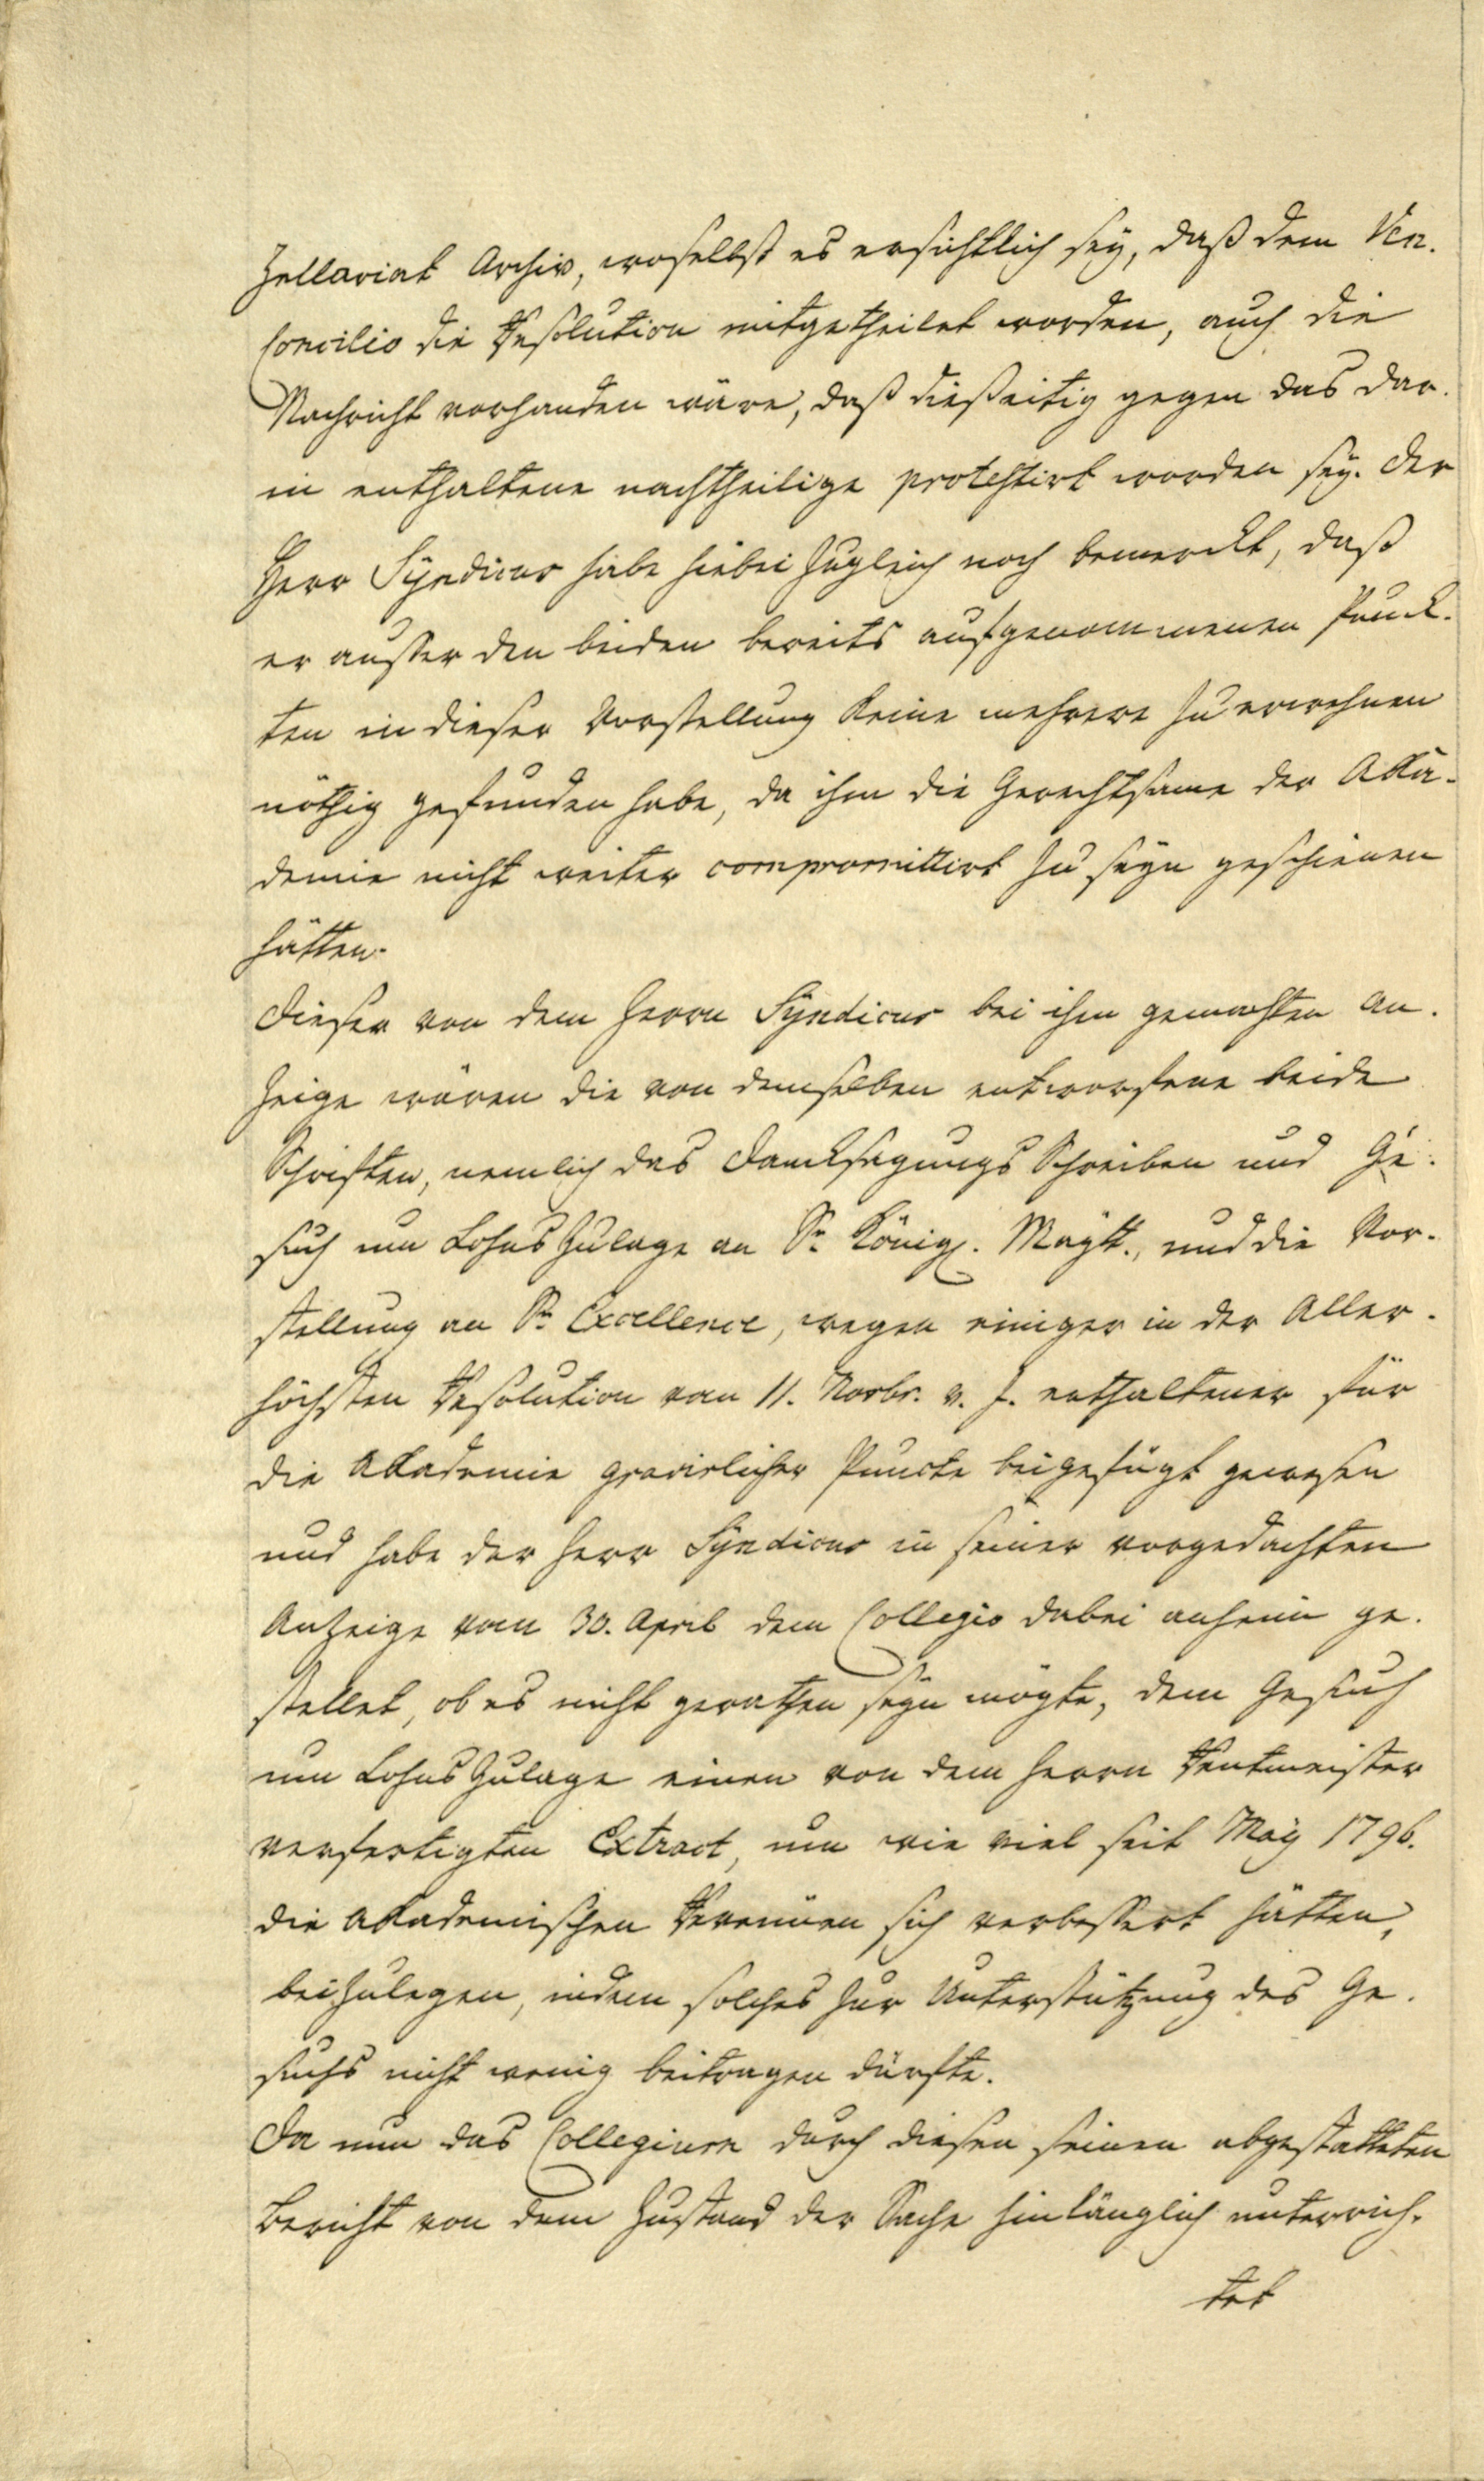zellariat Archiv, woselbst es ersichtlich seÿ, daß dem Ven.
Concilio die Resolution mitgetheilet worden, auch die
Nachricht vorhanden wäre, daß diesseitig gegen das dar¬
in enthaltene nachtheilige protestirt worden seÿ. Der
Herr Sÿndicus habe hiebei zugleich noch bemerckt, daß
er ausser den beiden bereits aufgenommenen Punck¬
ten in dieser Vorstellung keine mehrere zu erwehnen
nöthig gefunden habe, da ihm die Gerechtsahme der Aka¬
demie nicht weiter compromittirt zu seÿn geschienen
hätten.
Dieser von dem Herrn Sÿndicus bei ihm gemachten An¬
zeige wären die von demselben entworfene beide
Schriften, nemlich das Dancksagungs Schreiben und Ge¬
such um Lohns Zulage an Sr. Königl. Maÿtt., und die Vor¬
stellung an Sr Excellence, wegen einiger in der Aller¬
höchsten Resolution vom 11. Novbr. v. J. enthaltener für
die Akademie gravirlicher Puncte beigefügt gewesen
und habe der Herr Sÿndicus in seiner vorgedachten
Anzeige vom 30. April dem Collegio dabei anheim ge¬
stellet, ob es nicht gerathen seÿn mögte, dem Gesuch
um Lohns Zulage einen von dem Herrn Rentmeister
verfertigten Extract, um wie viel seit Maÿ 1796.
die akademischen Revenüen sich verbessert hätten,
beizulegen, indem solches zur Unterstützung des Ge¬
suchs nicht wenig beitragen dürfte.
Da nun das Collegium durch diesen seinen abgestatteten
Bericht von dem Zustand der Sache hinlänglich unterrich¬
tet